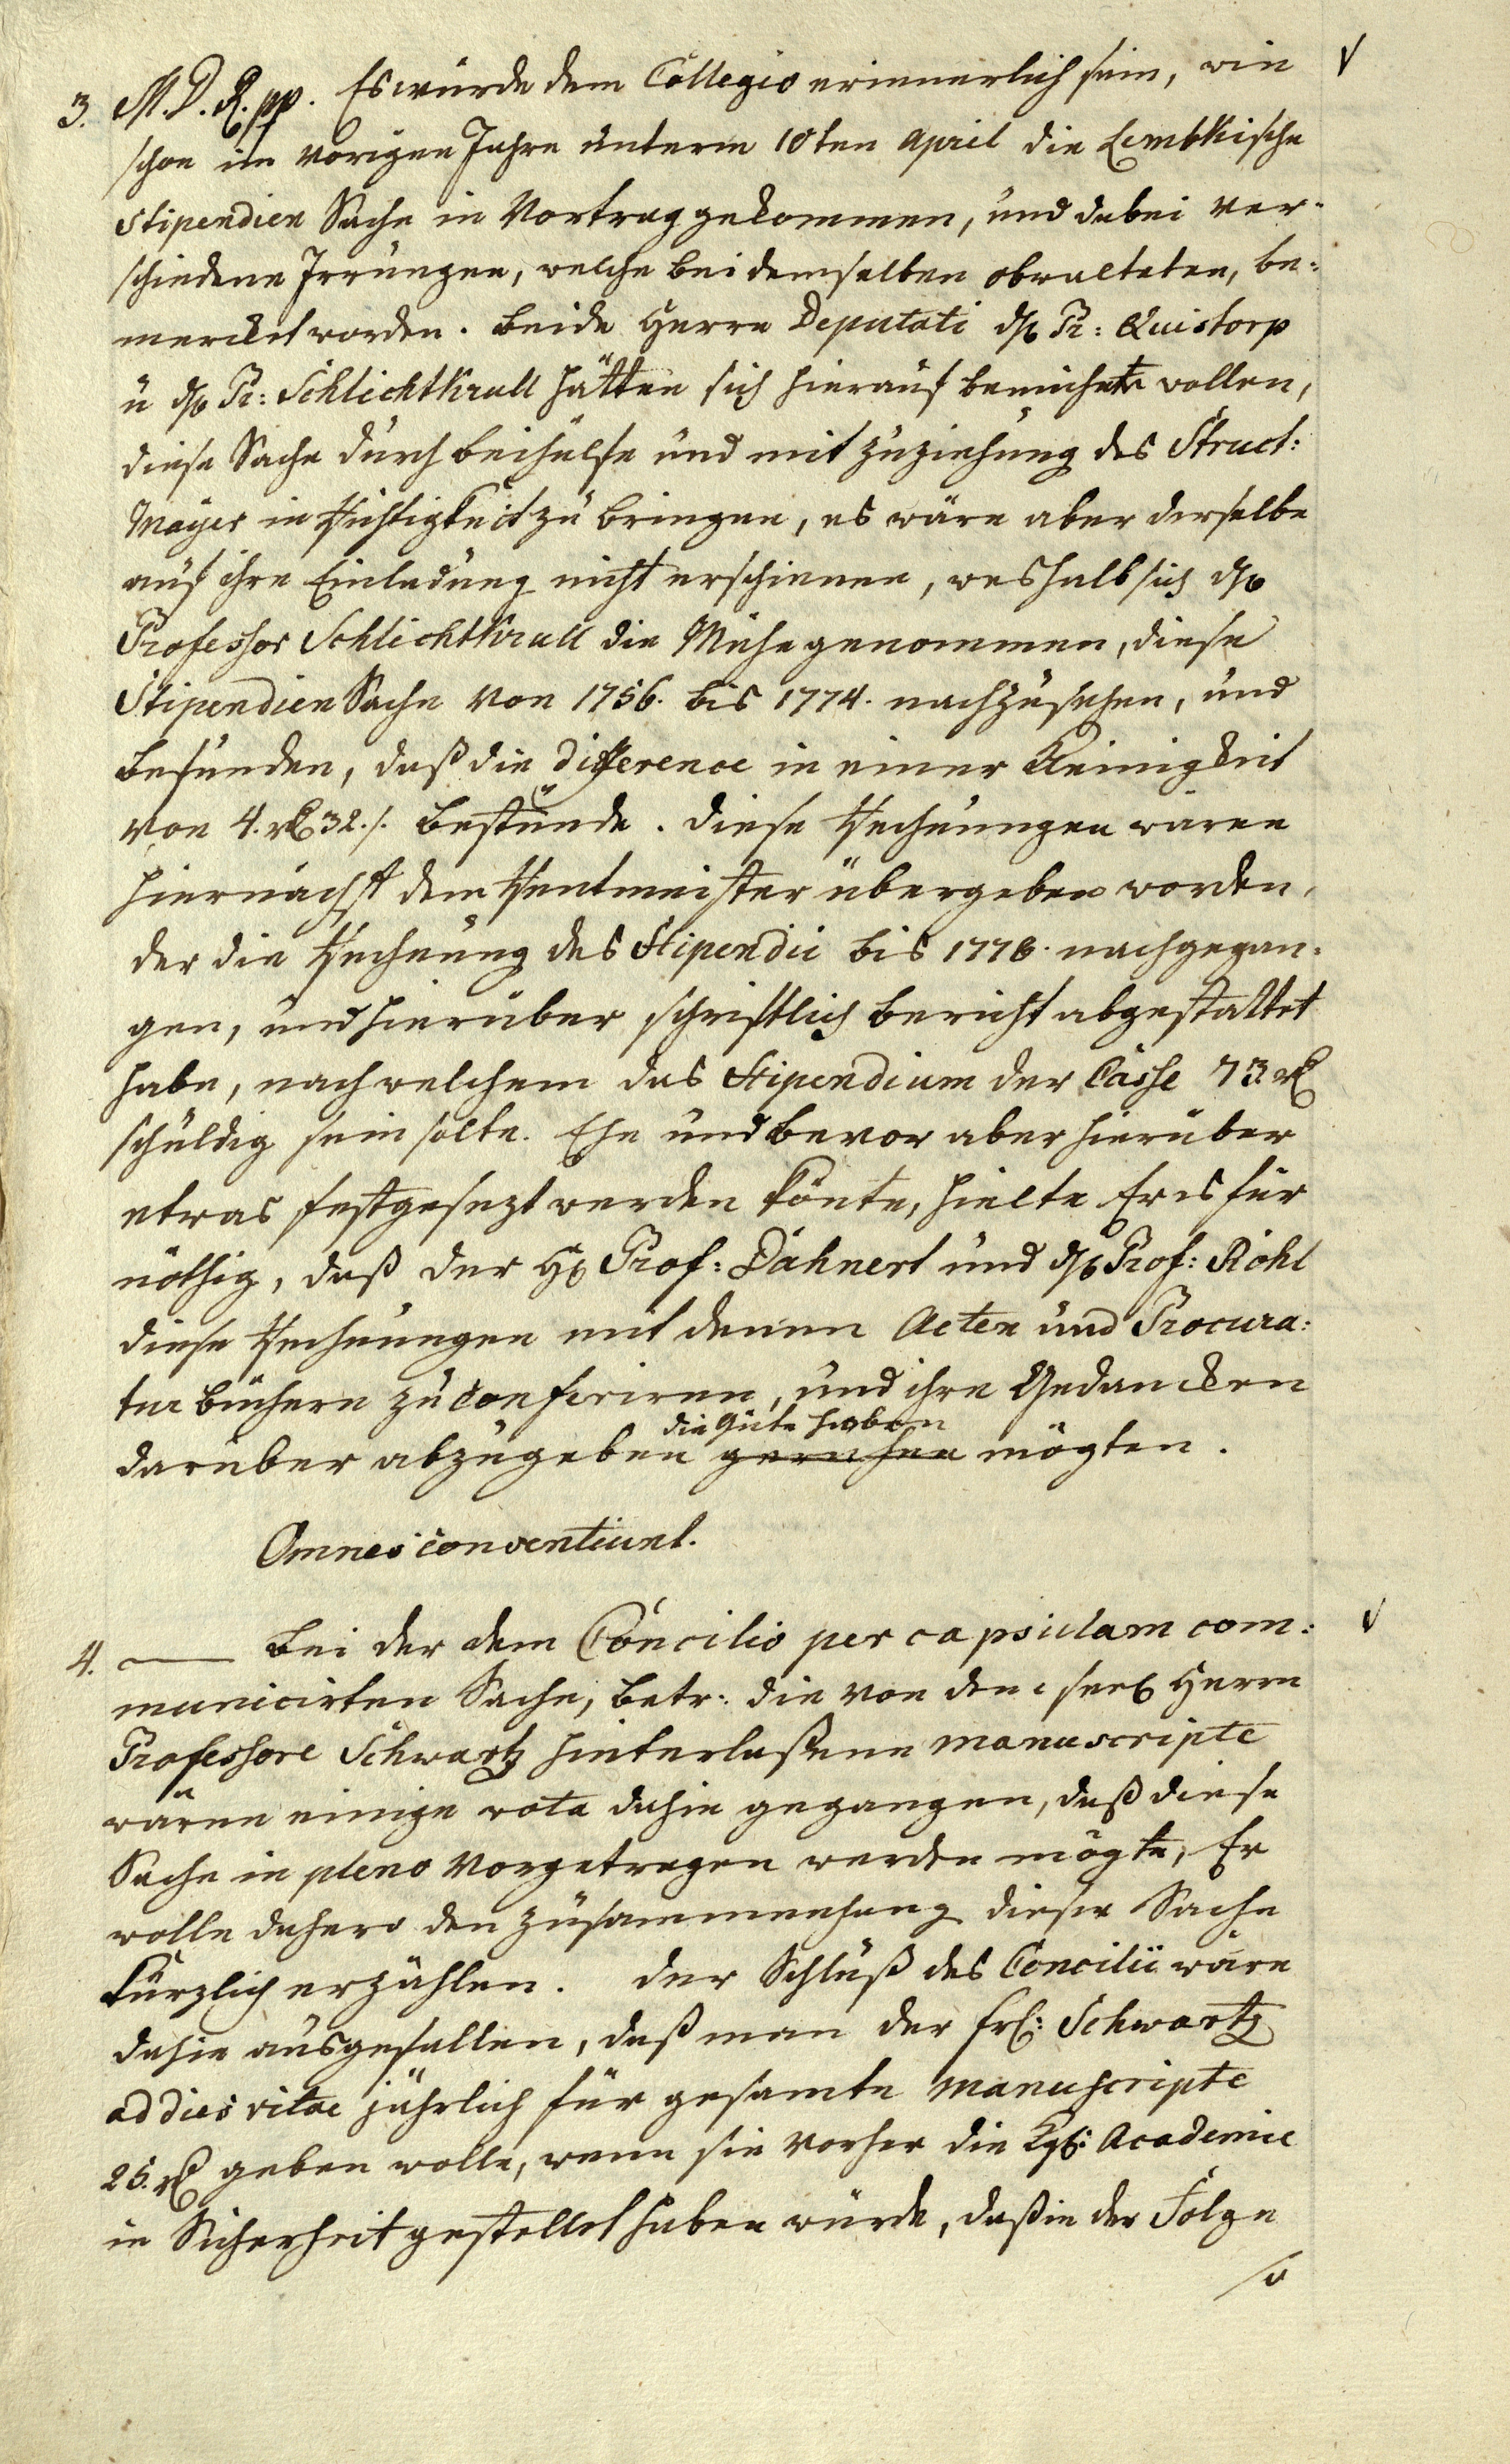3. M. D. R. pp. Es würde dem Collegio erinnerlich sein, wie
schon im vorigen Jahre unterm 10 ten April die Lembkische
Stipendien Sache in Vortrag gekommen, und dabei ver¬
schiedene Irrungen, welche bei demselben obwalteten, be¬
mercket worden. Beide Herrn Deputati dh. Pr. Quistorp
u dh. Pr. Schlichtkrull hätten sich hierauf bemühetn wollen,
diese Sache durch Beihülfe und mit Zuziehung des Struct.
Maÿer in Richtigkeit zu bringen, es wäre aber derselbe
auf ihre Einladung nicht erschienen, weshalb sich dh.
Professor Schlichtkrull die Mühe genommen, diese
Stipendien Sache von 1756 bis1774 nachzusehen, und
befunden, daß die difference in einer Kleinigkeit
von 4 rl. 32. s. bestünde. Diese Rechnungen wären
hiernächst dem Rentmeister übergeben worden,
der die Rechnung des Stipendii bis 1778 nachgegan¬
gen, und hierüber schriftlich Bericht abgestattet
habe, nach welchem das Stipendium der Casse 73 rl.
schuldig sein solte. Ehe und bevor aber hierüber
etwas festgesezt werden könte, hielte Er es für
nöthig, daß der H. Prof. Dähnert und dh. Prof. Röhl
diese Rechnungen mit denen Acten und Procura¬
tur Büchern zu conferiren, und ihre Gedancken
die Güte haben
darüber abzugeben geruhen mögten.
Omnes consentiunt.
4. Bei der dem Concilio per capsulam com¬
municirten Sache, betr. die von dem seel. Herrn
Professore Schwartz hinterlaßene manuscripte
wären einige vota dahin gegangen, daß diese
Sache in pleno vorgetragen werden mögte, Er
wolle dahero den Zusammenhang dieser Sache
kürzlich erzählen. Der Schluß des Concilii wäre
dahin ausgefallen, daß man der Frl. Schwartz
ad dies vitae jährlich für gesamte Manuscripte
25 rl. geben wolle, wenn sie vorher die Kgl. Academie
in Sicherheit gestellet haben würde, daß in der Folge
so